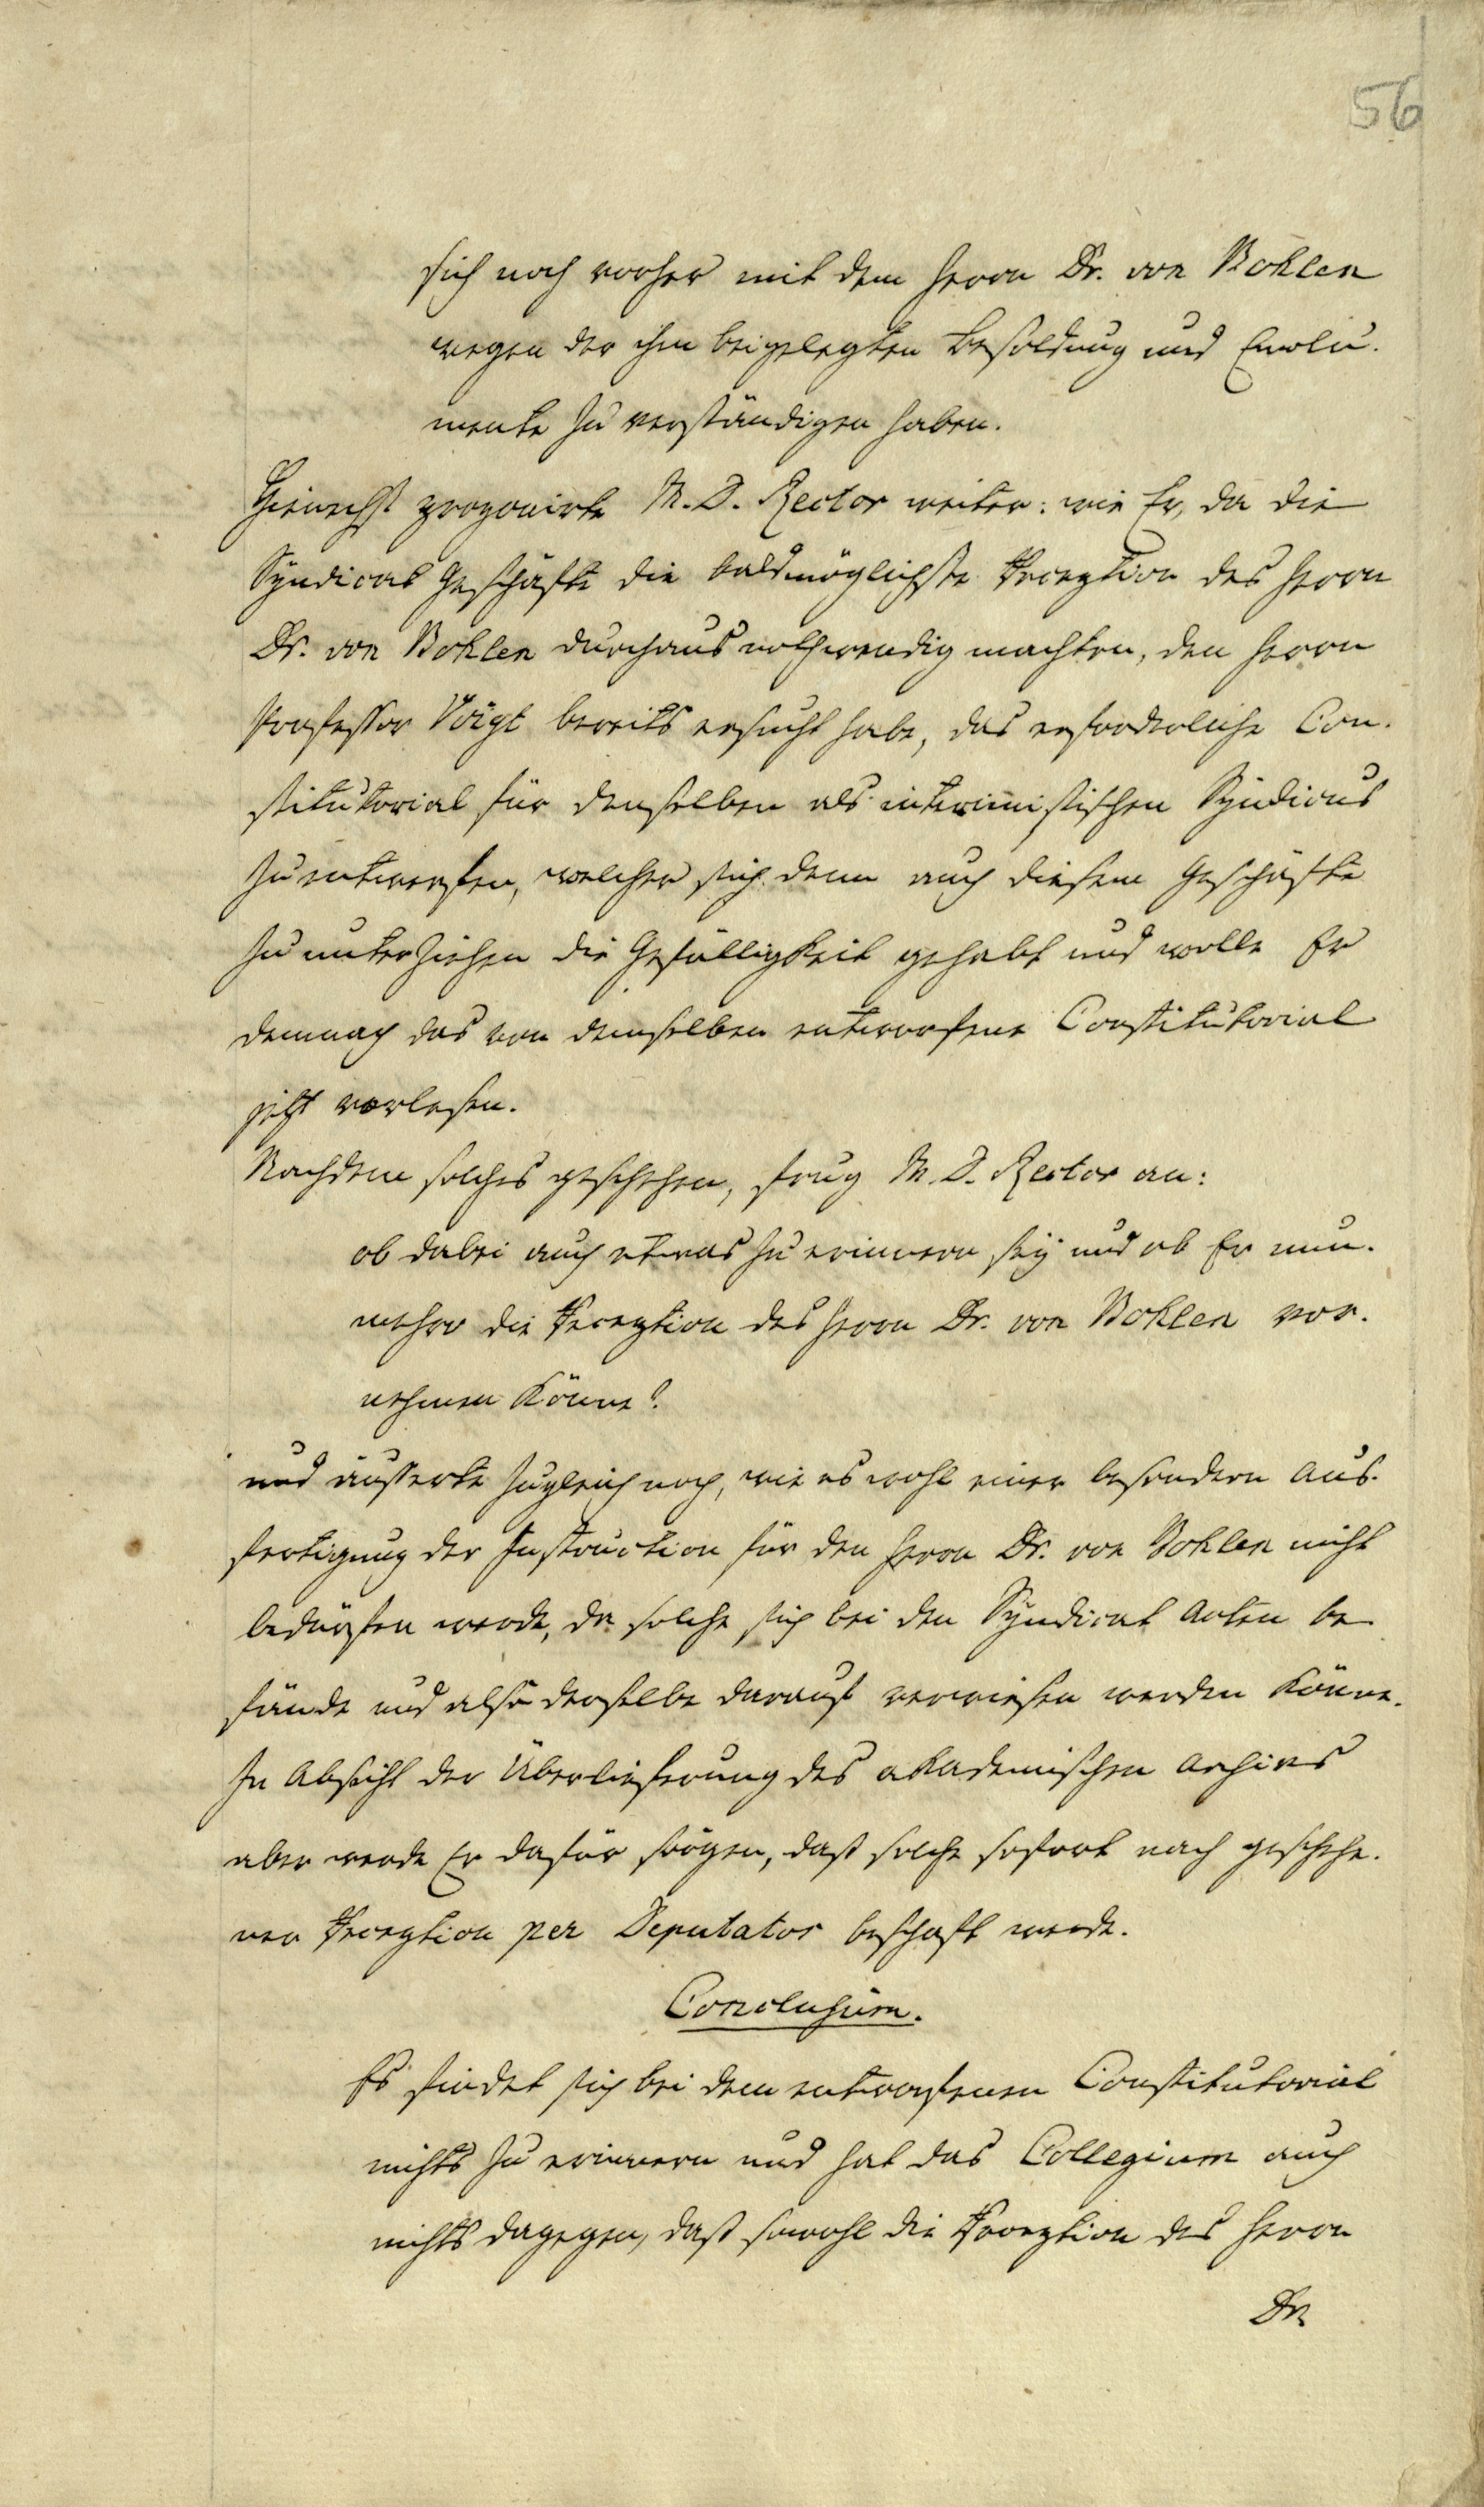sich noch vorher mit dem Herrn Dr. von Bohlen
wegen der ihm beigelegten Besoldung und Emolu¬
mente zu verständigen haben.
Hienechst proponirte M. D. Rector weiter, wie Er, da die
Sÿndicats Geschäfte die baldmöglichste Reception des Herrn
Dr. von Bohlen durchaus nothwendig machten, den Herrn
Professor Voigt bereits ersucht habe, das erforderliche Con¬
stitutorial für denselben als interimistischen Sÿndicus
zu entwerfen, welcher sich denn auch diesem Geschäfte
zu unterziehen die Gefälligkeit gehabt und wolle Er
demnach das von demselben entworfene Constitutorial
jetzt vorlesen.
Nachdem solches geschehen, frug M. D. Rector an:
ob dabei auch etwas zu erinnern seÿ und ab Er nun¬
mehro die Reception des Herrn Dr. von Bohlen vor¬
nehmen könne?
und äusserte zugleich noch, wie es wohl einer besondern Aus¬
fertigung der Instruction für den Herrn Dr. von Bohlen nicht
bedürfen werde, da solche sich bei den Sÿndicat Acten be¬
fände und also derselbe darauf verwiesen werden könne.
In Absicht der Überlieferung des akademischen Archivs
aber werde Er dafür sorgen, daß solche sofort nach geschehe¬
ner Reception per Deputatos beschaft werde.
Conclusum.
Es findet sich bei dem entworfenen Constitutorial
nichts zu erinnern und hat das Collegium auch
nichts dagegen, daß sowohl die Reception des Herrn
Dr.